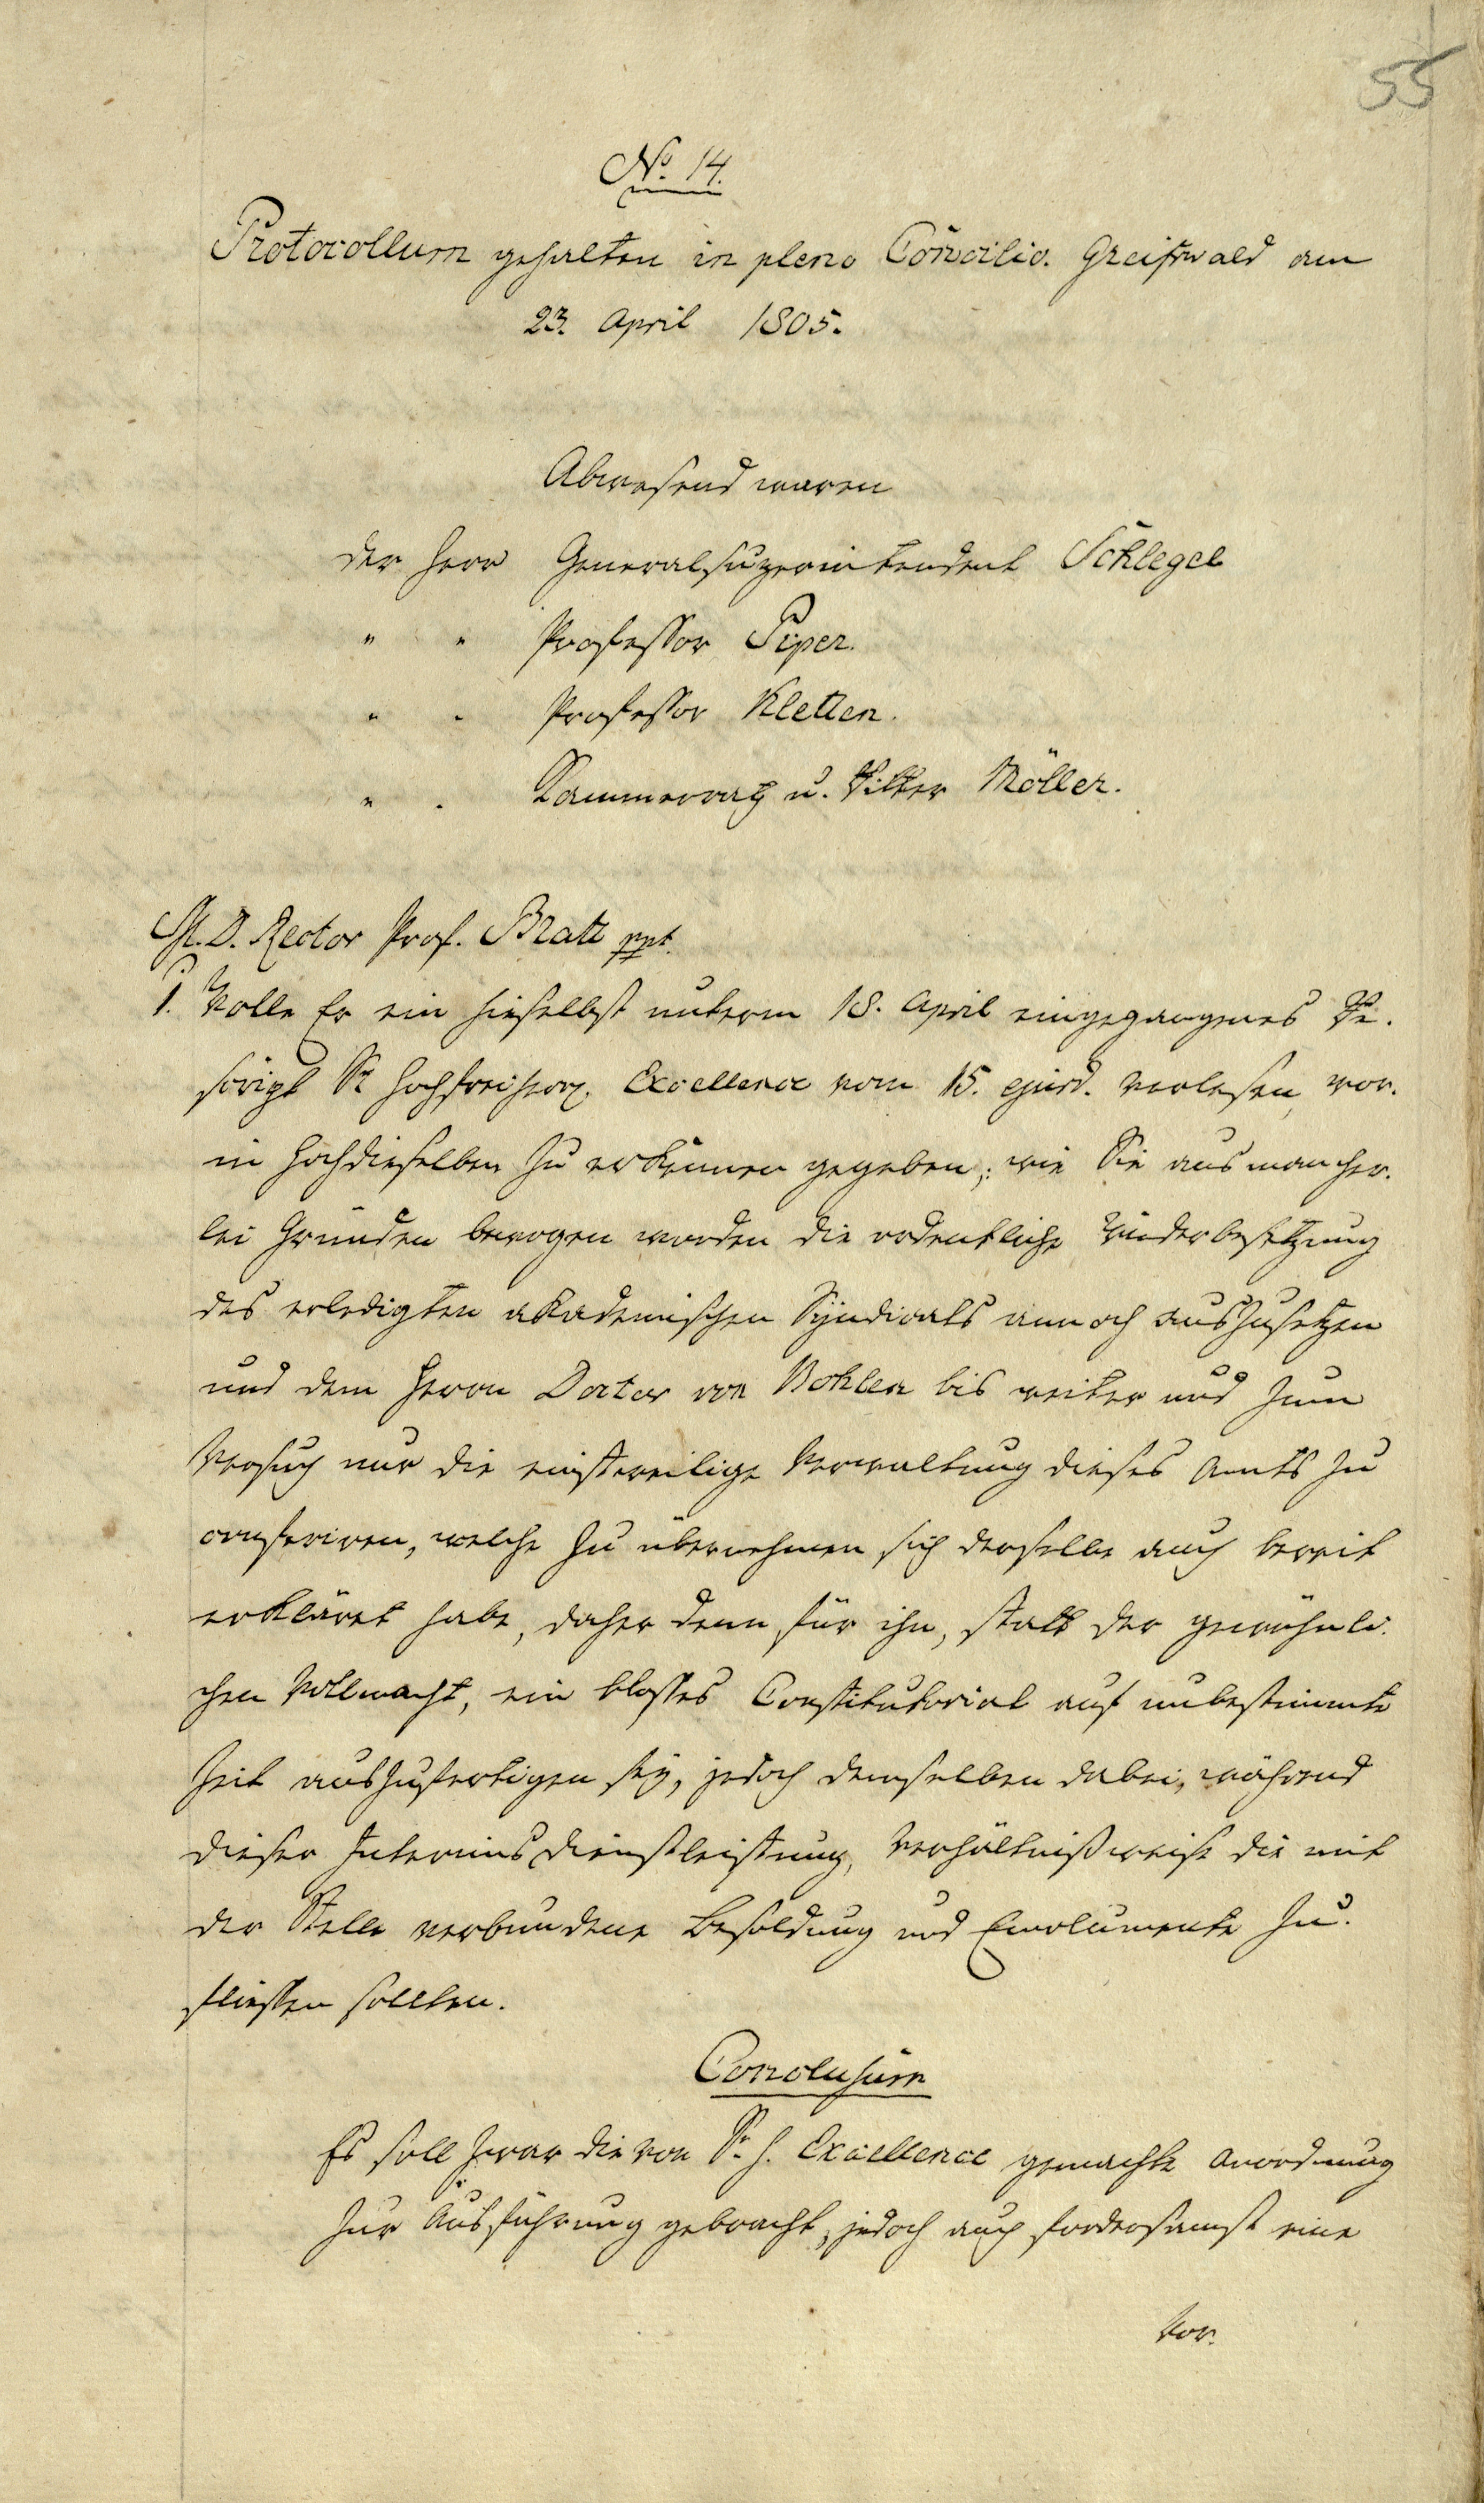No 14.
Protocollum gehalten in pleno Concilio. Greifswald am
23. April 1805.
Abwesend waren
der Herr Generalsuperintendent Schlegel
Professor Piper.
Professor Kletten
Kammerrath u. Ritter Möller
M. D. Rector Prof. Bratt ppt
1. Wolle Er ein hieselbst unterm 18. April eingegangenes Re¬
script Sr. hochfreiherrl. Excellence vom 15. ejusd. verlesen wor¬
in Hochdieselben zu erkennen gegeben, wie Sie aus mancher¬
lei Gründen bewogen worden die ordentliche Wiederbesetzung
des erledigten akademischen Sÿndicats annoch auszusetzen
und dem Herrn Doctor von Bohlen bis weiter und zum
Versuch nur die einstweilige Verwaltung dieses Amts zu
conferiren, welche zu übernehmen sich derselbe auch bereit
erkläret habe, daher denn für ihn, statt der gewöhnli¬
chen Vollmacht, ein blosses Constitutorial auf unbestimmte
Zeit auszufertigen seÿ, jedoch demselben dabei, während
dieser Interimsdienstleistung, Verhältnißweise die mit
der Stelle verbundene Besoldung und Emolumente zu¬
fliessen sollten.
Conclusum
Es soll zwar die von Sr. h. Excellence gemachte Anordnung
zur Ausführung gebracht, jedoch auch fordersamst eine
Vor